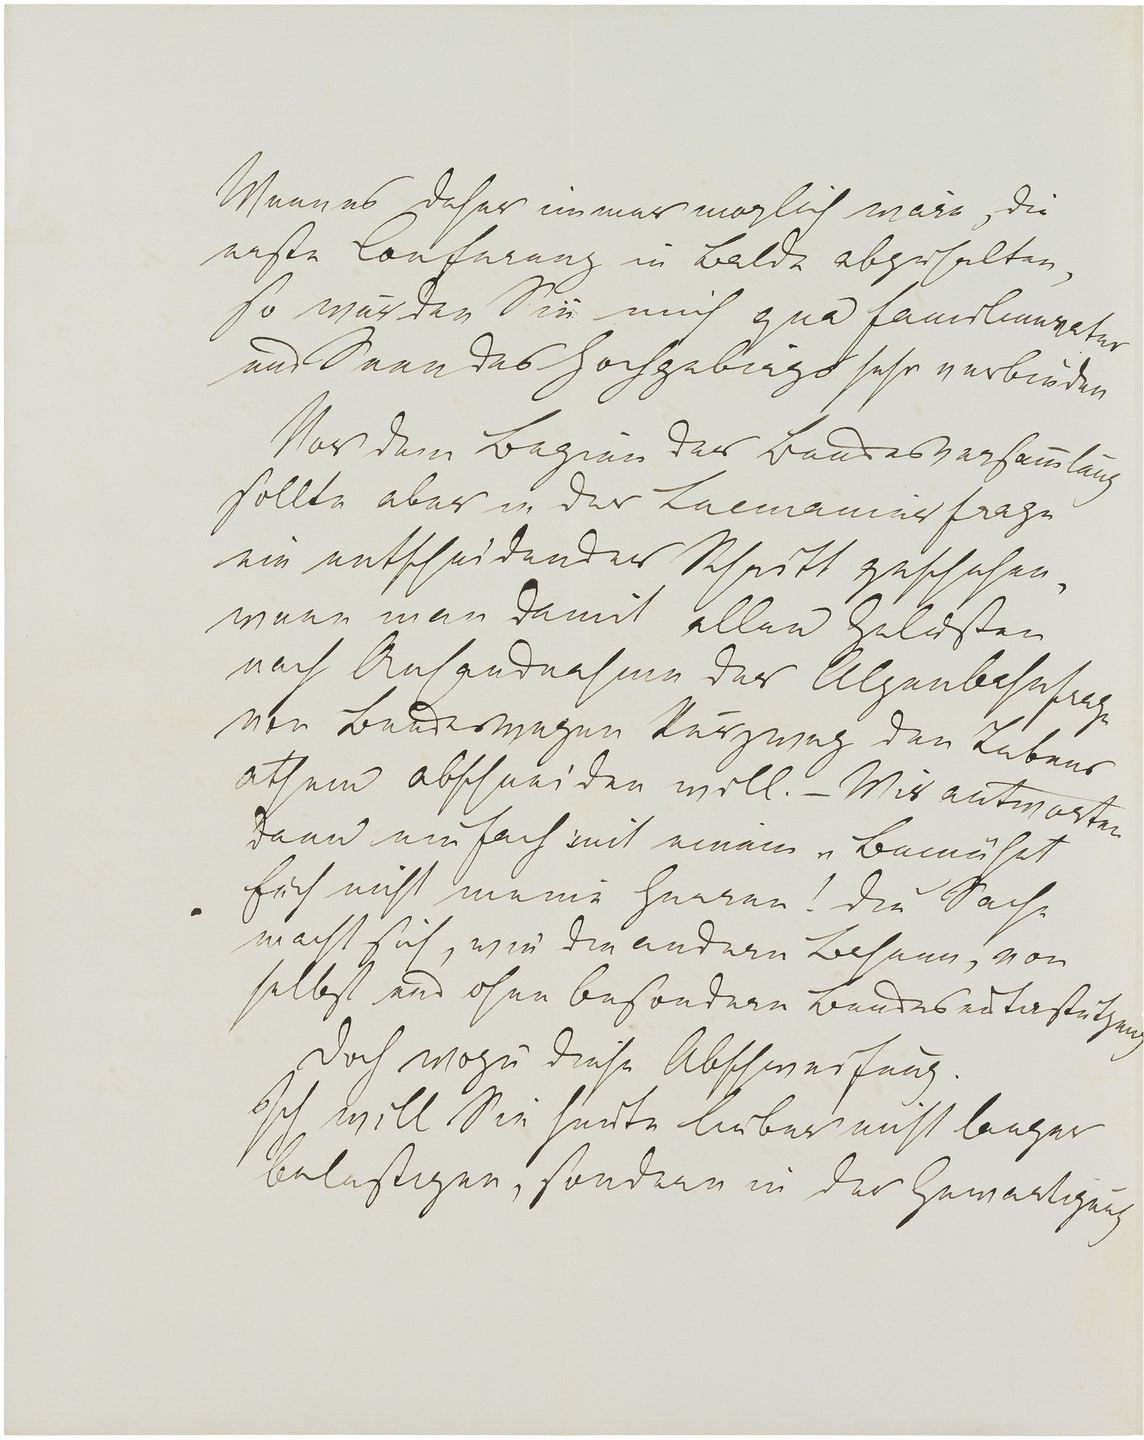Wenn es daher immer möglich wäre, die
erste Conferenz in Bälde abzuhalten,
so würden Sie mich qua Familienvater
und Senn des Hochgebirgs sehr verbinden.
Vor dem Beginn der Bundesversammlung
sollte aber in der Lucmanierfrage
ein entscheidender Schritt geschehen,
wenn man damit allen Gelüsten
nach Anhandnahme der Alpenbahnfrage
von Bundeswegen kurzweg den Lebens-
athem abschneiden will. – Wir antworten
dann einfach mit einem «Bemühet
Euch nicht meine Herren! Die Sache
macht sich, wie die andern Bahnen, von
selbst und ohne besondere Bundesunterstützung.»
Doch wozu diese Abschweifung.
Ich will Sie heute lieber nicht länger
belästigen, sondern in der Gewärtigung